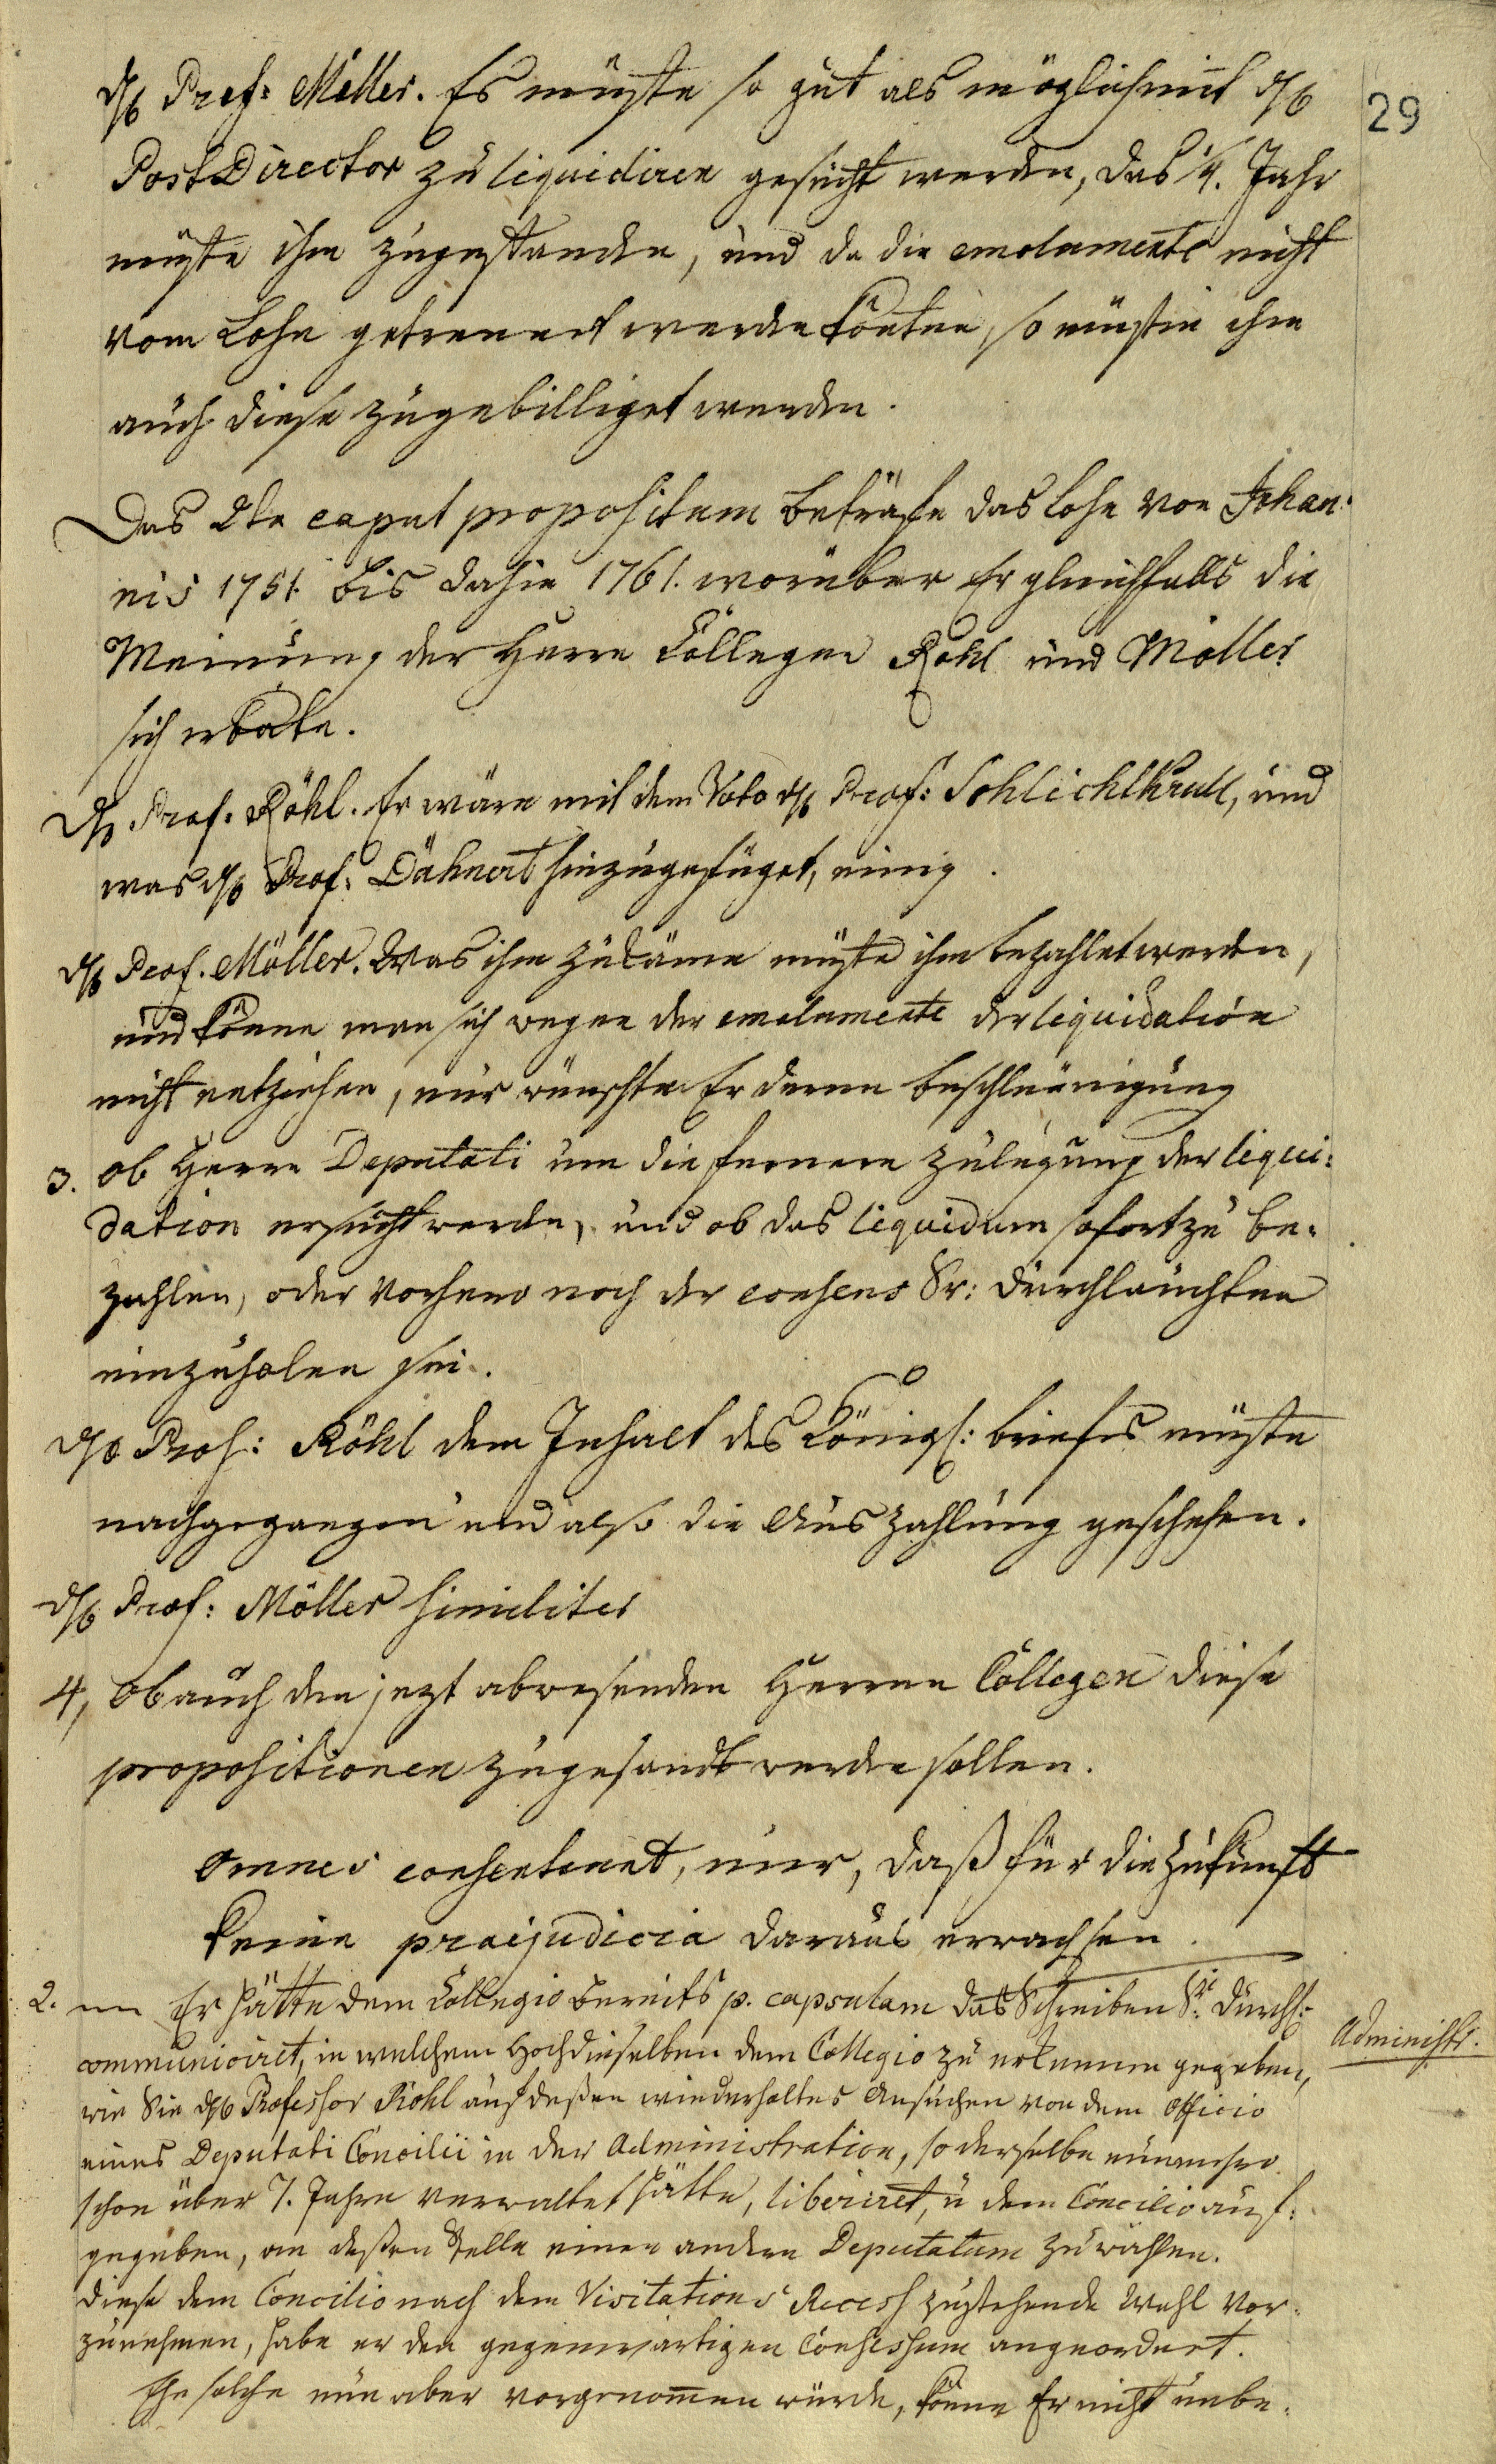dh Prof. Möller. Es müßte so gut als möglich mit dh
Post Director zu liquidiren gesucht werden, das ¼. Jahr
müßte ihm zugestanden, und da die emolumente nicht
vom Lohn getrennet werden könten, so müßten ihm
auch diese zugebilliget werden.
Das 2te caput propositum beträfe das Lohn von Johan¬
nis 1751. bis dahin 1761. worüber Er gleichfalls die
Meinung der Herrn Collegen Röhl und Möller
sich erbäte.
dh Prof. Röhl. Er wäre mit dem Voto dh Prof. Schlichtkrull, und
was dh Prof. Dähnert hinzugefüget, einig.
dh Prof. Möller. Was ihm zukäme müßte ihm bezahlet werden,
und könne man sich wegen der emolumente der liquidation
nicht entziehen, nur wünschte Er deren Beschleunigung
3. ob Herrn Deputati um die fernere Zulegung der liqui¬
dation ersucht werden, und ob das liquidum sofort zu be¬
zahlen, oder vorhero noch der consens Sr Durchlauchten
einzuholen sei.
dh Prof. Röhl dem Inhalt des Königl. Briefes müßte
nachgegangen und also die Auszahlung geschehen.
dh Prof. Möller similiter
4. ob auch dem jezt abwesenden Herren Collegen diese
propositionen zugesandt werden sollen.
Omnes consentiunt, nur, daß für die Zukunft
keine praejudicia daraus erwachsen.
2. Er hätte dem Collegio bereits p. capsulam das Schreiben Sr Durchl.
communiciret, in welchem Hochdieselben dem Collegio zu erkennen gegeben,
wie Sie dh Professor Röhl auf deßen wiedrholtes Ansuchen von dem officio
eines Deputati Concilii in der Administration, so derselbe nunmehro
schon über 7. Jahre verwaltet hätte, liberiret, u dem Concilio auf¬
gegeben, an deßen Stelle einen andern Deputatum zu wählen.
Diese dem Concilio nach dem Visitations Recess zustehende Wahl vor¬
zunehmen, habe er den gegenwärtigen Consessum angeordnet.
Ehe solche nun aber vorgenomen würde, könne Er nicht unbe